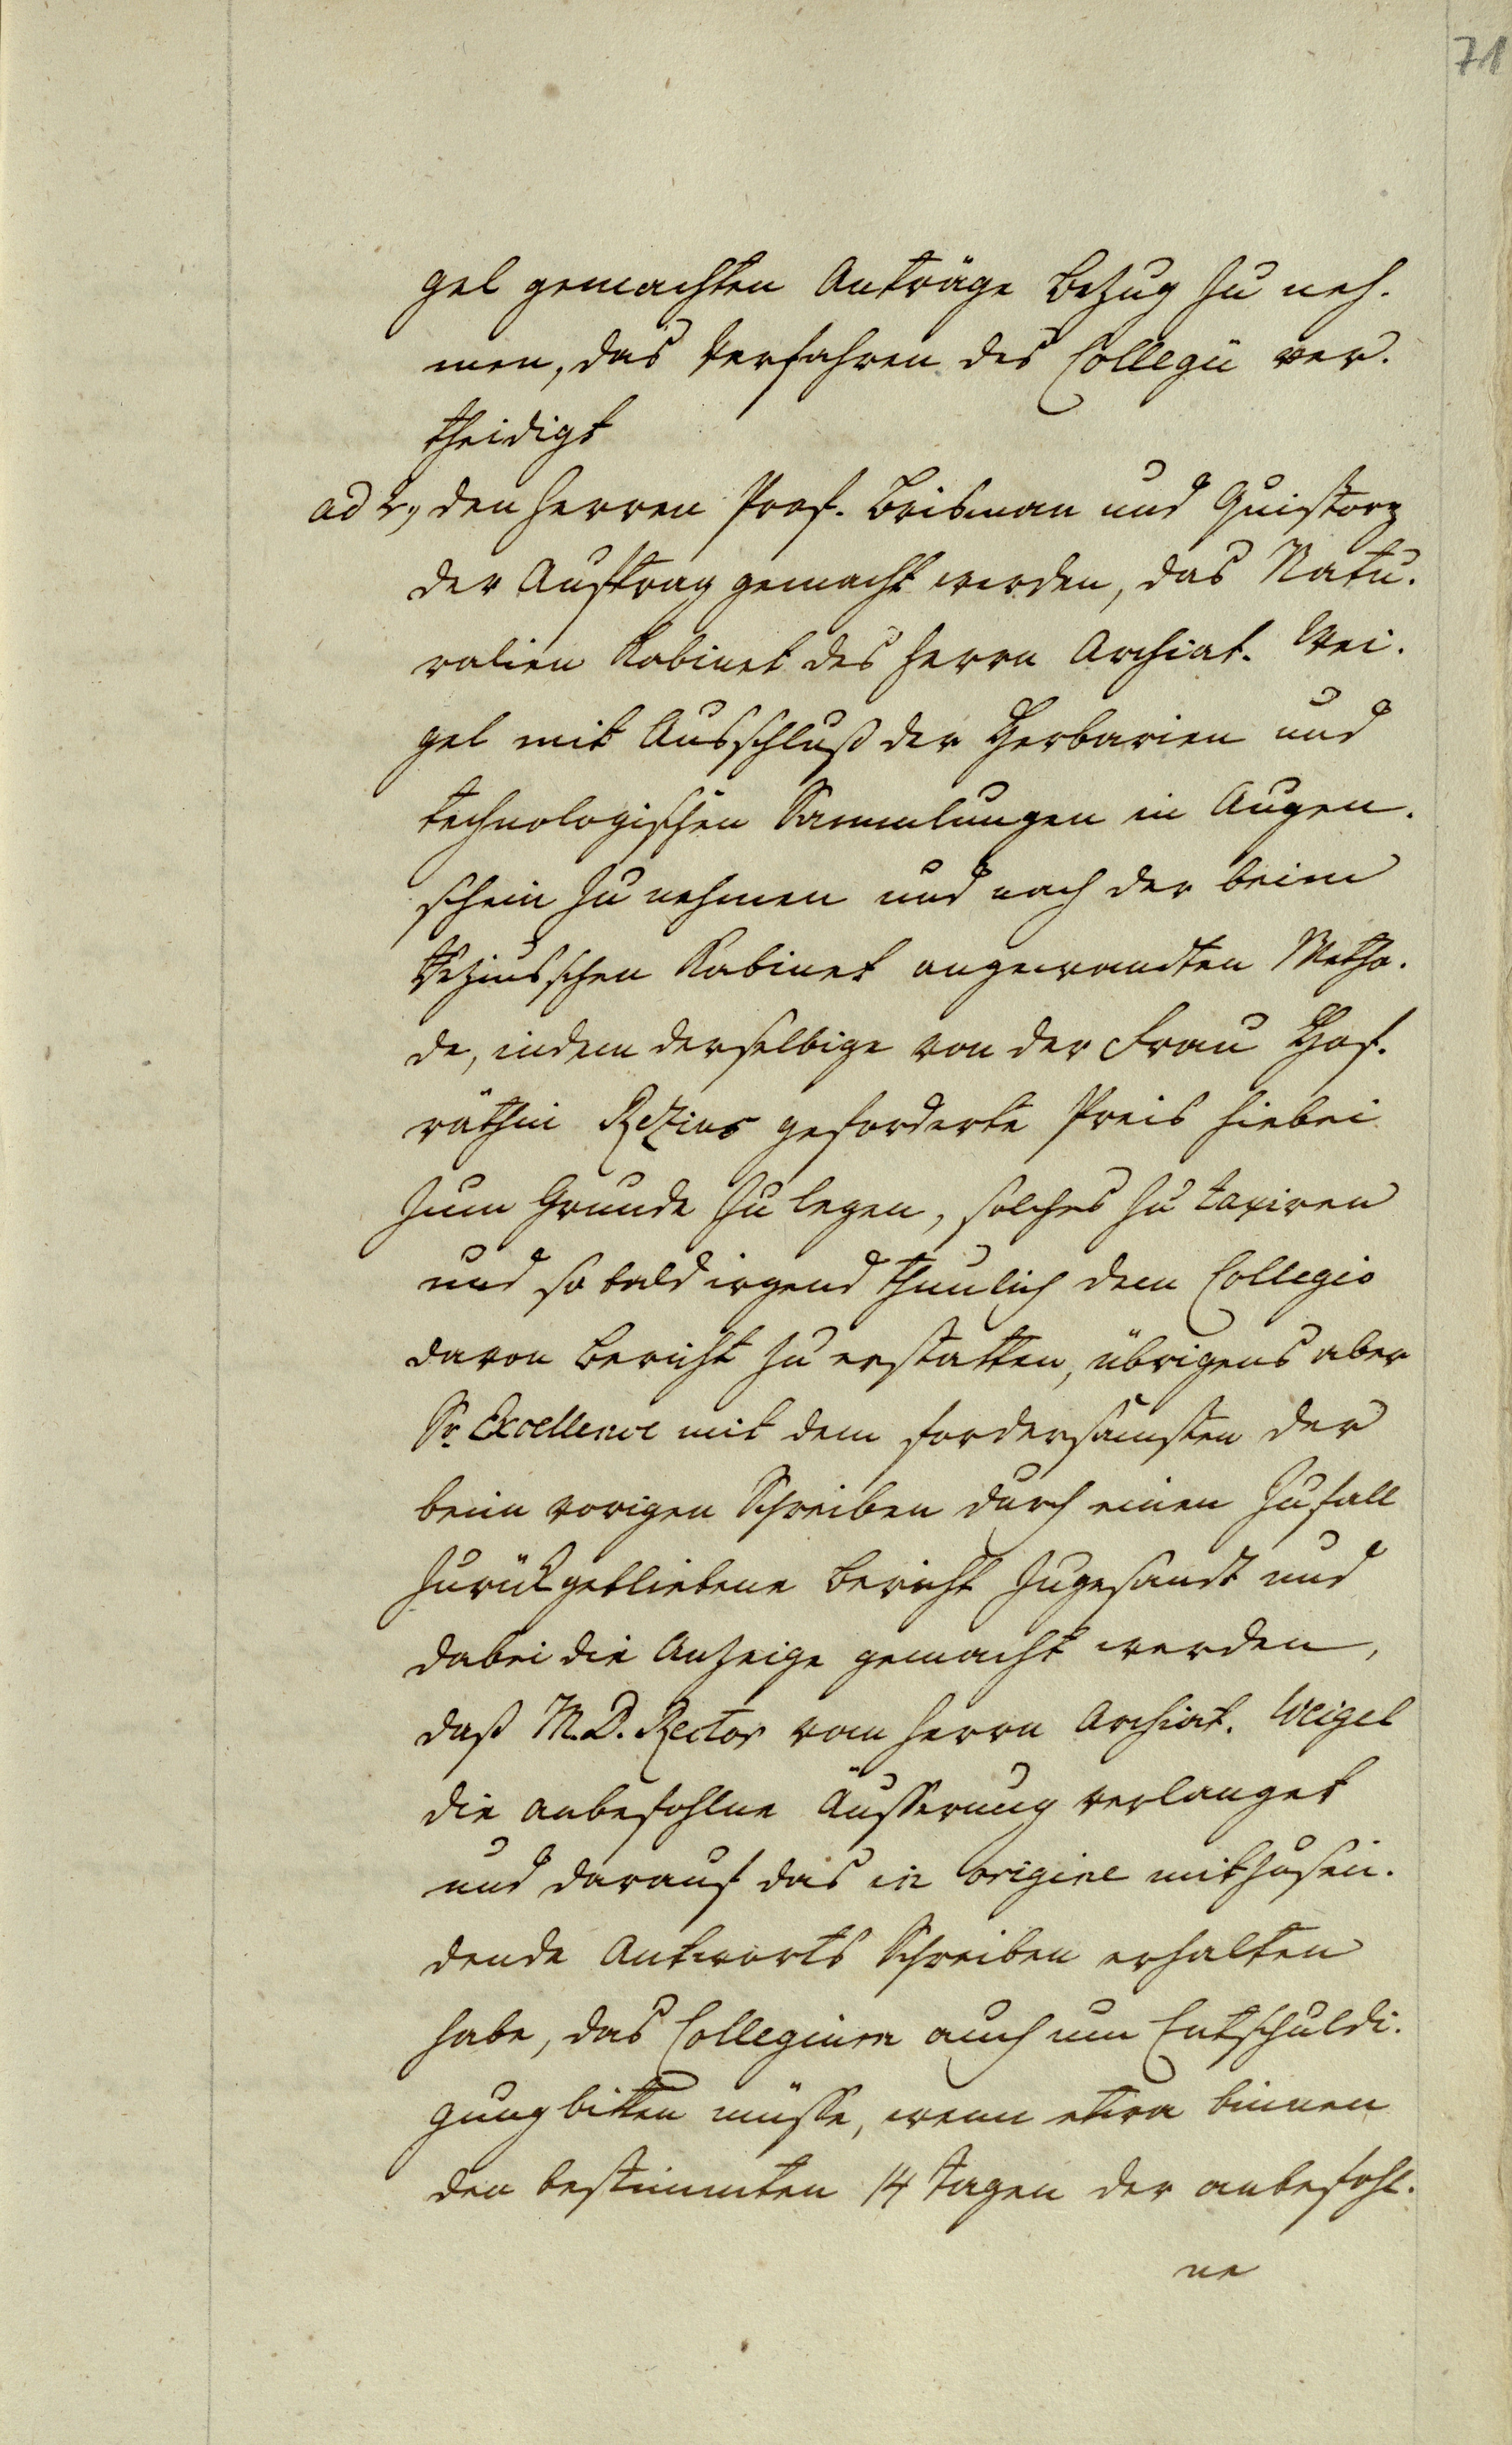gel gemachten Anträge Bezug zu neh¬
men, das Verfahren des Collegii ver¬
theidigt
ad 2., den Herren Prof. Brisman und Quistorp
der Auftrag gemacht werden, das Natu¬
ralien Kabinet des Herrn Archiat. Wei¬
gel mit Ausschluß der Herbarien und
technologischen Sammlungen in Augen¬
schein zu nehmen und nach der beim
Reziusschen Kabinet angewandten Metho
de, indem derselbige von der Frau Hof¬
räthin Rezius geforderte Preis hiebei
zum Grunde zu legen, solches zu taxiren
und so bald irgend thunlich dem Collegio
davon Bericht zu erstatten, übrigens aber
Sr Excellence mit dem fordersamsten der
beim vorigen Schreiben durch einen Zufall
zurückgebliebene Bericht zugesandt und
dabei die Anzeige gemacht werden,
daß M D. Rector vom Herrn Archiat. Weigel
die anbefohlne Äusserung verlanget
und darauf das in origine mitzusen¬
dende Antworts Schreiben erhalten
habe, das Collegium auch um Eatschuldi¬
gung bitten müsse, wenn etwa binnen
den bestimmten 14 Tagen der anbefohl¬
ne